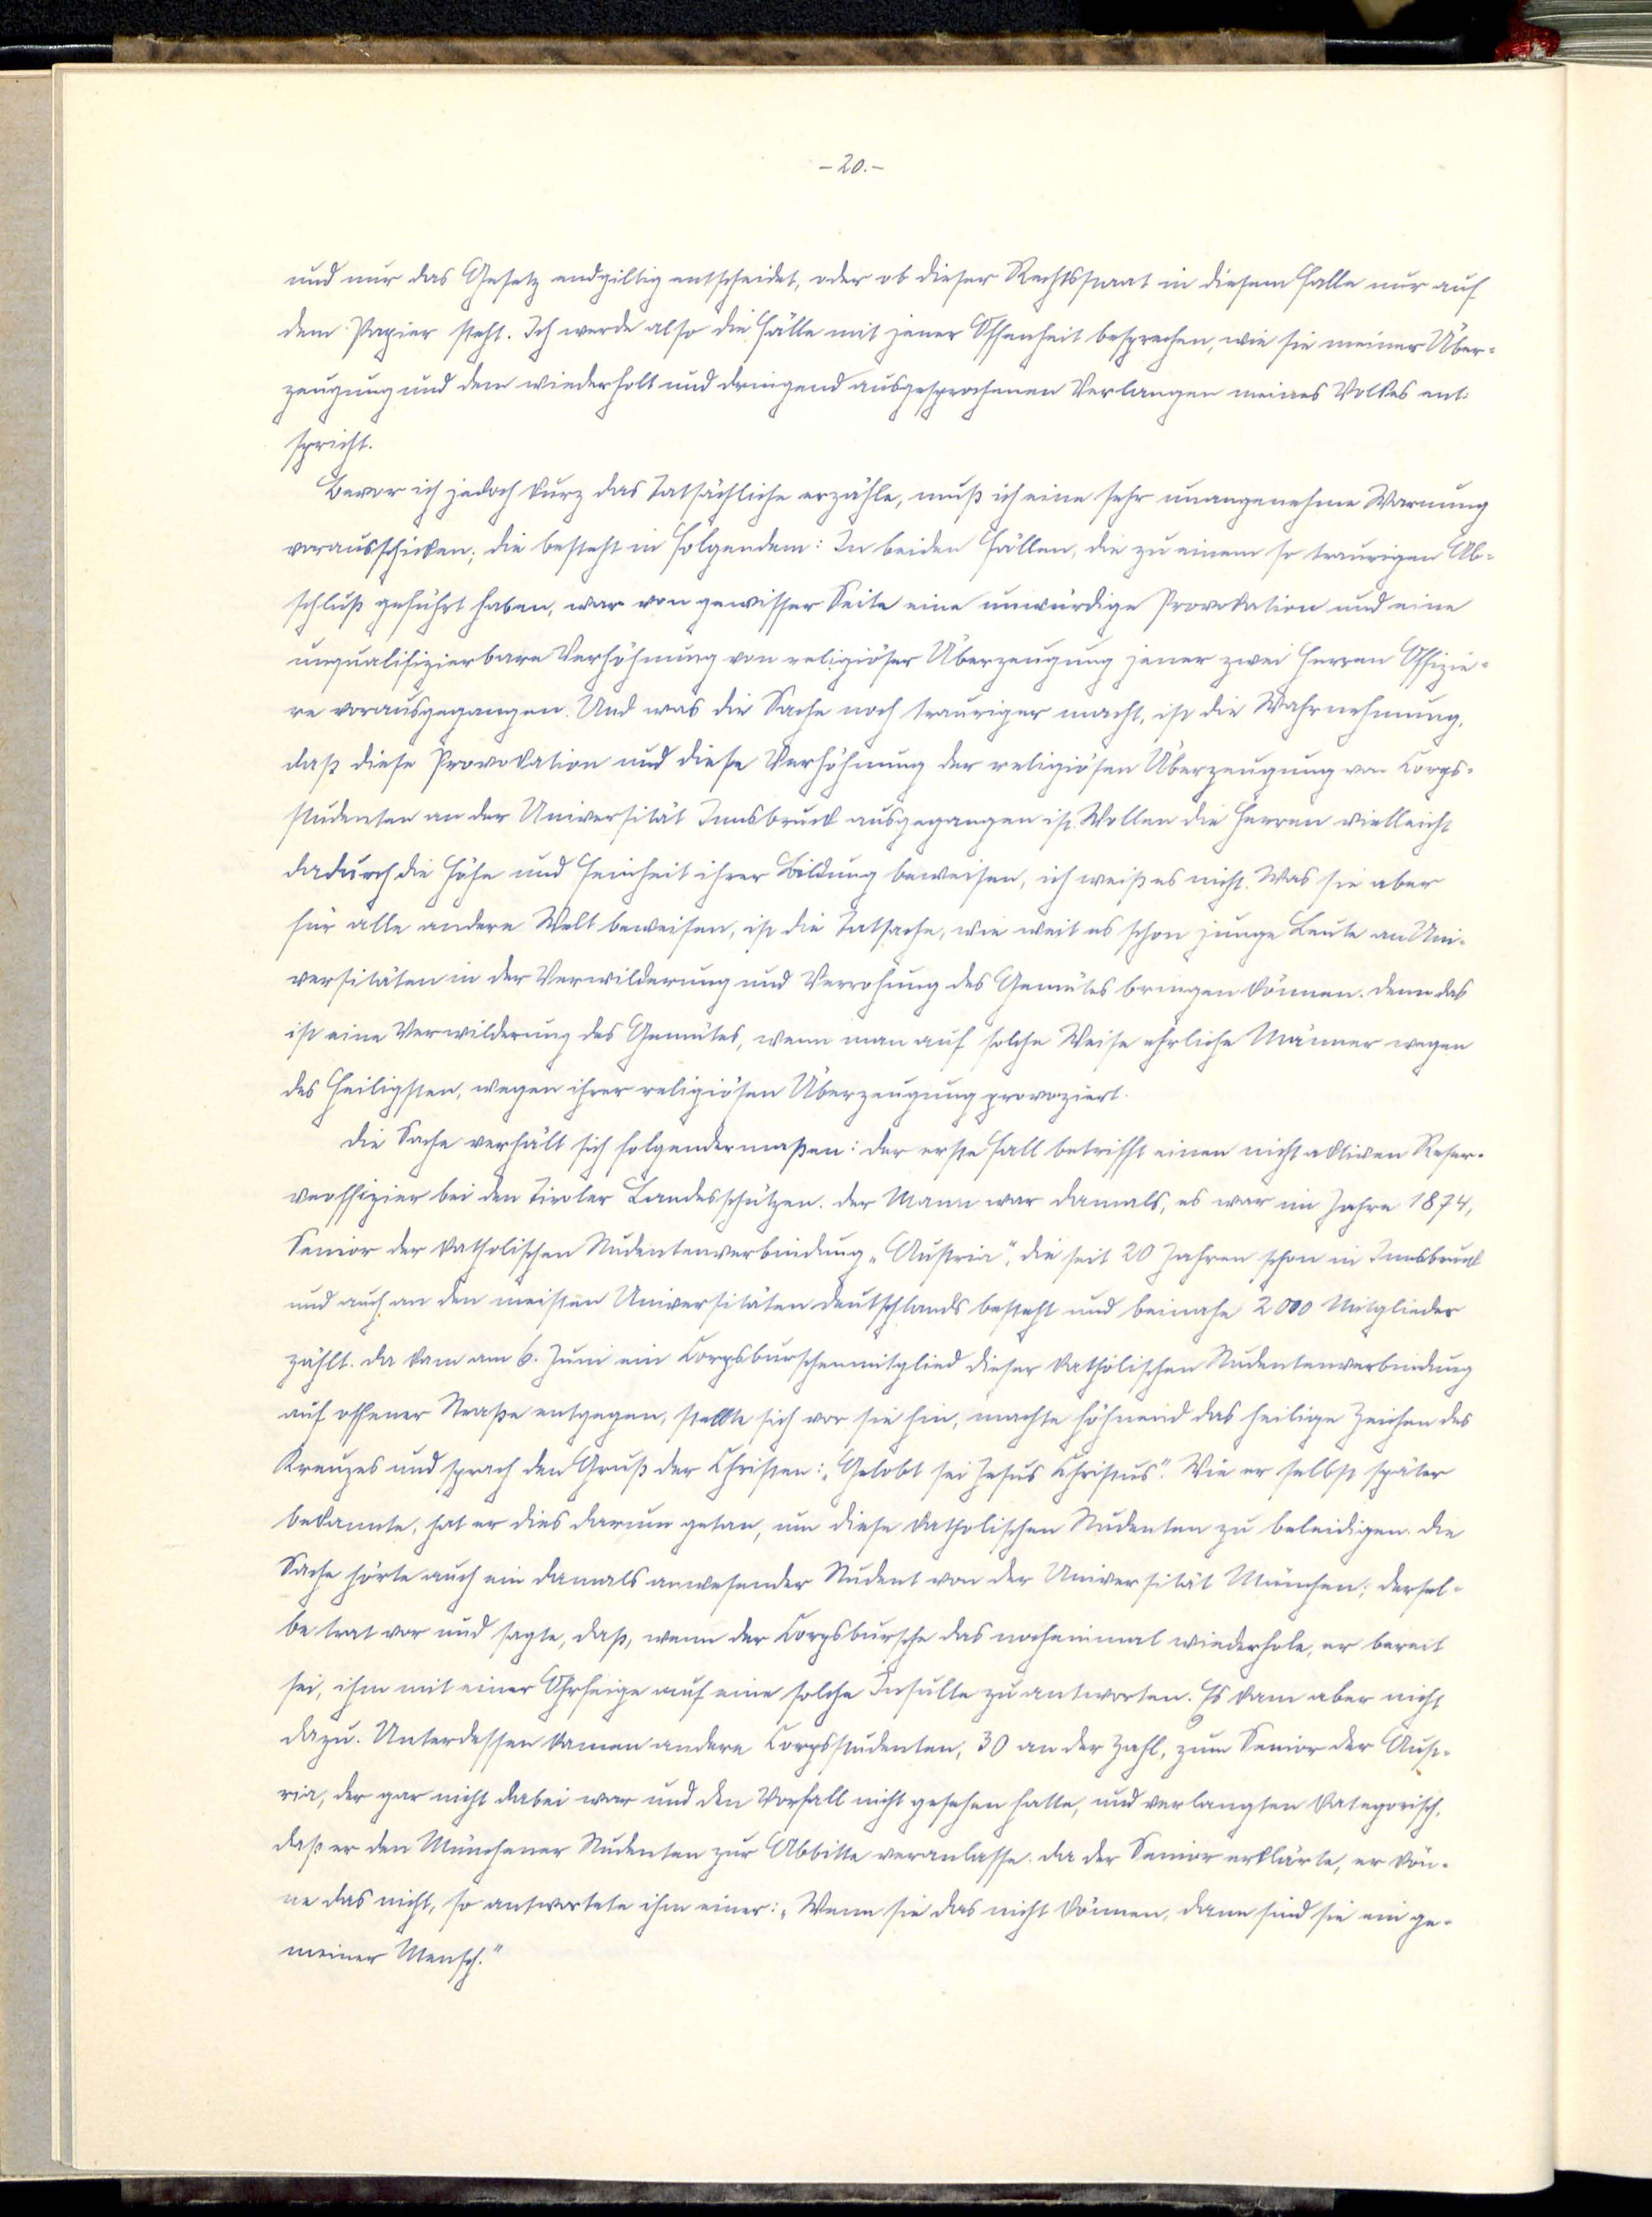20.
und nur das Gesetz endgültig entscheidet, oder ob dieser Rechtsstaat in diesem Falle nur auf
dem Papier steht. Ich werde also die Fälle mit jener Offenheit besprechen, wie sie meiner Über-
zeugung und den wiederholt und dringend ausgesprochenen Verlangen meines Volkes ent-
spricht.
Bevor ich jedoch kurz das Tatsächliche erzähle, muß ich eine sehr unangenehme Warnung
vorausschicken, die besteht in Folgendem: In beiden Fällen, die zu einem so traurigen Ab-
schluss geführt haben, war von gewisser Seite eine unwürdige Provokation und eine
unqualifizierbare Verhöhnung von religiöser Überzeugung jener zwei Herren Offizie-
re vorausgegangen. Und was die Sache noch trauriger macht, ist die Wahrnehmung,
dass diese Provokation und diese Verhöhnung der religiösen Überzeugung von Corps-
studenten an der Universität Innsbruck ausgegangen ist. Wollen die Herren vielleicht
dadurch die Höhe und Feinheit ihrer Bildung beweisen, ich weiß es nicht. Was sie aber
für alle andere Welt beweisen, ist die Tatsache, wie weit es schon junge Leute an Uni-
versitäten in der Verwilderung und Verrohung des Gemütes bringen können. Denn das
ist eine Verwilderung des Gemütes, wenn man auf solche Weise ehrliche Männer wegen
des Heiligsten, wegen ihrer religiösen Überzeugung provoziert.
Die Sache verhält sich folgendermaßen: Der erste Fall betrifft einen nicht aktiven Reser-
veoffizier bei den Tiroler Landesschützen. Der Mann war damals, es war im Jahre 1874,
Senior der katholischen Studentenverbindung "Austria"-Innsbruck, die seit 20 Jahren schon in Innsbruck
und auch an den meisten Universitäten Deutschlands besteht und beinahe 2000 Mitglieder
zählt da kam am 6. Juni ein Corpsburschenmitglied dieser katholischen Studentenverbindung
auf offener Straße entgegen, stellte sich vor sie hin, machte höhnend das heilige Zeichen des
kreuzes und sprach den Gruß der Christen: "Gelobt sei Jesus Christus". Wie er selbst später
bekannte, hat er dies darum getan, um diese katholischen Studenten zu beleidigen. Die
Sache hörte auch ein damals anwesender Student von der Universität München; dersel-
be trat vor und sagte, daß, wenn der Corpsbursch das nocheinmal wiederhole, er bereit
sei ihn mit einer Ohrfeige auf eine solche Insulte zu anworten. Es kam aber nicht
dazu. Unterdessen kamen andere Corpsburschen, 30 an der Zahl, zum Senior der Aust-
ria, der gar nicht dabei war und den Vorfall nicht gesehen hatte, und verlangten kategorisch,
daß er den Münchener Studenten zur Abbitte veranlasse. Da der Senior erklärte, er kön-
ne das nicht, so antwortete ihm einer: "Wenn sie das nicht können, dann sind sie ein ge-
meiner Mensch."